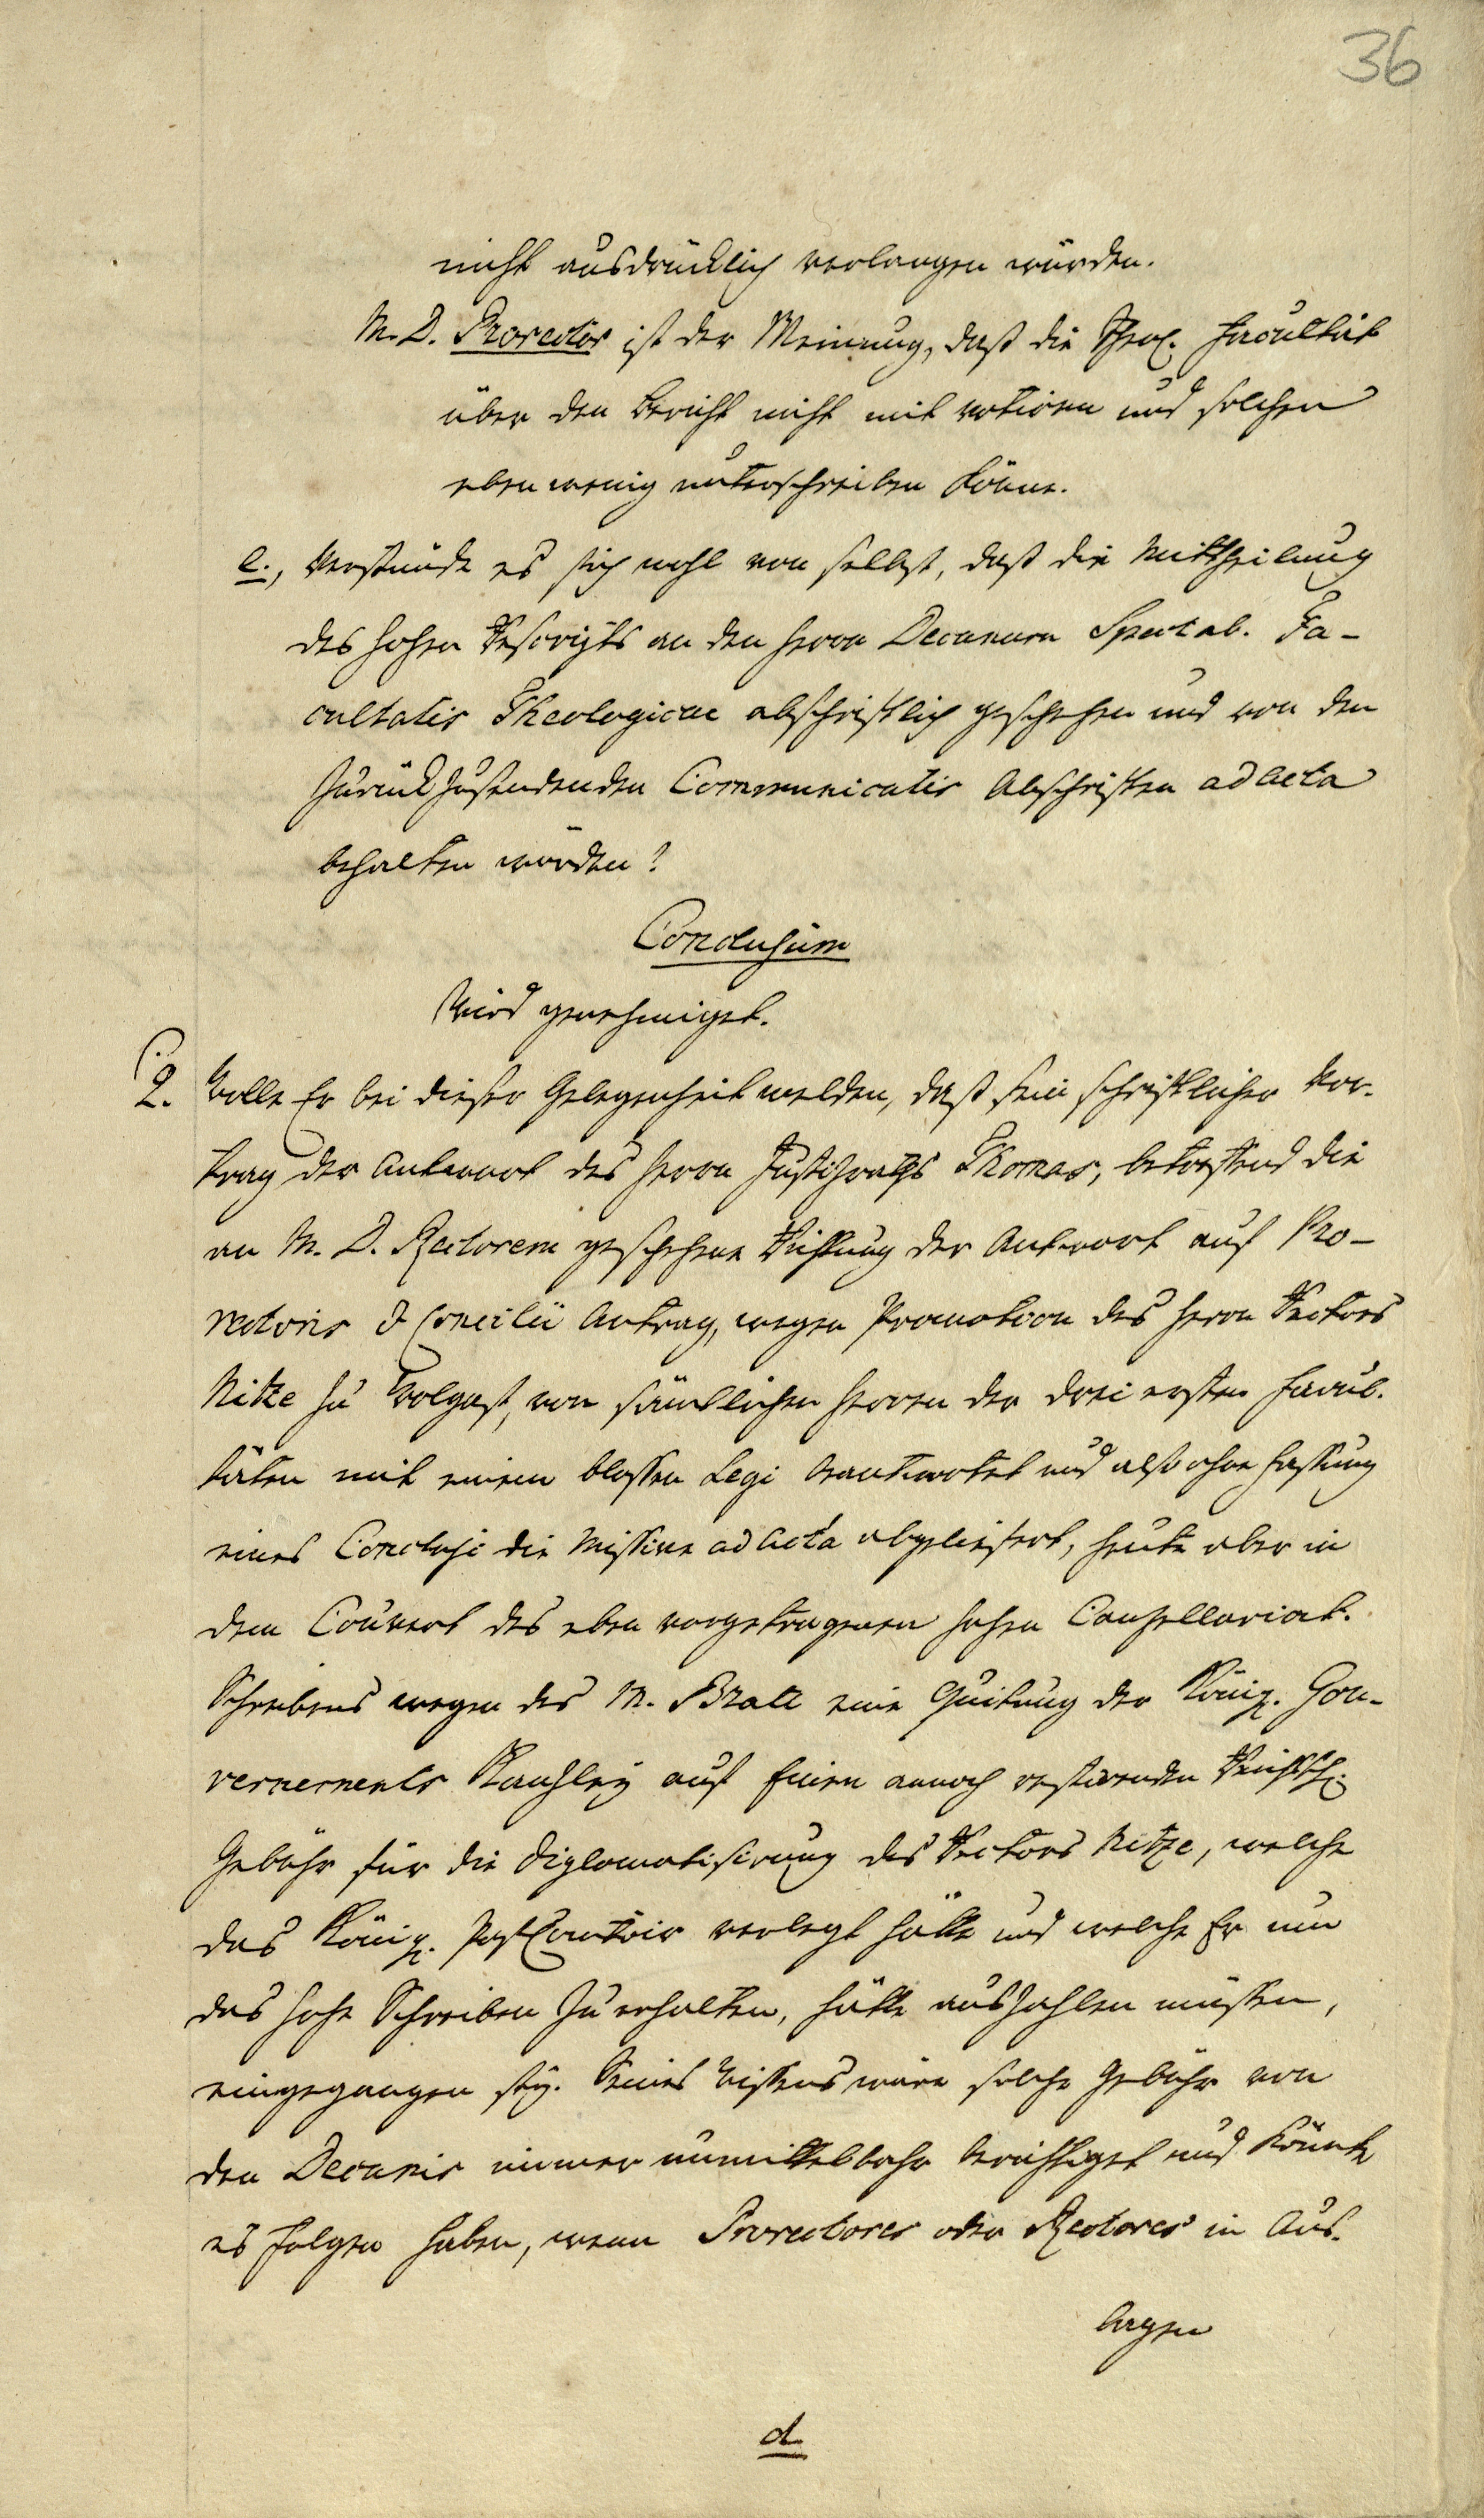nicht ausdrücklich verlangen würden.
M. D. Prorector ist der Meinung, daß die Theol. Facultät
über den Bericht nicht mit votiren und solchen
eben wenig unterschreiben könne.
e., verstünde es sich wohl von selbst, daß die Mittheilung
des hohen Rescripts an den Herrn Decanum Spectab. Fa¬
cultatis Theologicae abschriftlich geschehen und von den
zurückzusendenden Communicatis Abschriften ad Acta
behalten würden?
Conclusum
Wird genehmiget.
2. Wolle Er bei dieser Gelegenheit melden, daß sein schriftlicher Vor¬
trag der Antwort des Herrn Justizraths Thomas, betreffend die
an M. D. Rectorem geschehene Richtung der Antwort auf Pro¬
rectoris et Concilii Antrag, wegen Promotion des Herrn Rectors
Nitze zu Wolgast, von sämtlichen Herren der drei ersten Facul¬
täten mit einem blossen Legi beantwortet und als ohne Fassung
eines Conclusi die Missive ad Acta abgeliefert, heute aber in
dem Couvert des eben vorgetragenen hohen Canzellariat-
Schreibens wegen des M. Bratt eine Quitung der Königl. Gou¬
vernements Kanzleÿ auf Einen annoch restirenden Reichssl.
Gebühr für die Diplomatisirung des Rectors Nitze, welche
das König. PostContoir verlegt hätte und welche Er um
das hohe Schreiben zu erhalten, hätte auszahlen müssen,
eingegangen seÿ. Seines Wissens wäre solche Gebühr von
den Decanis immer unmittelbahr berichtiget und könnte
es Folgen haben, wenn Prorectores oder Rectores in Aus¬
lagen
d